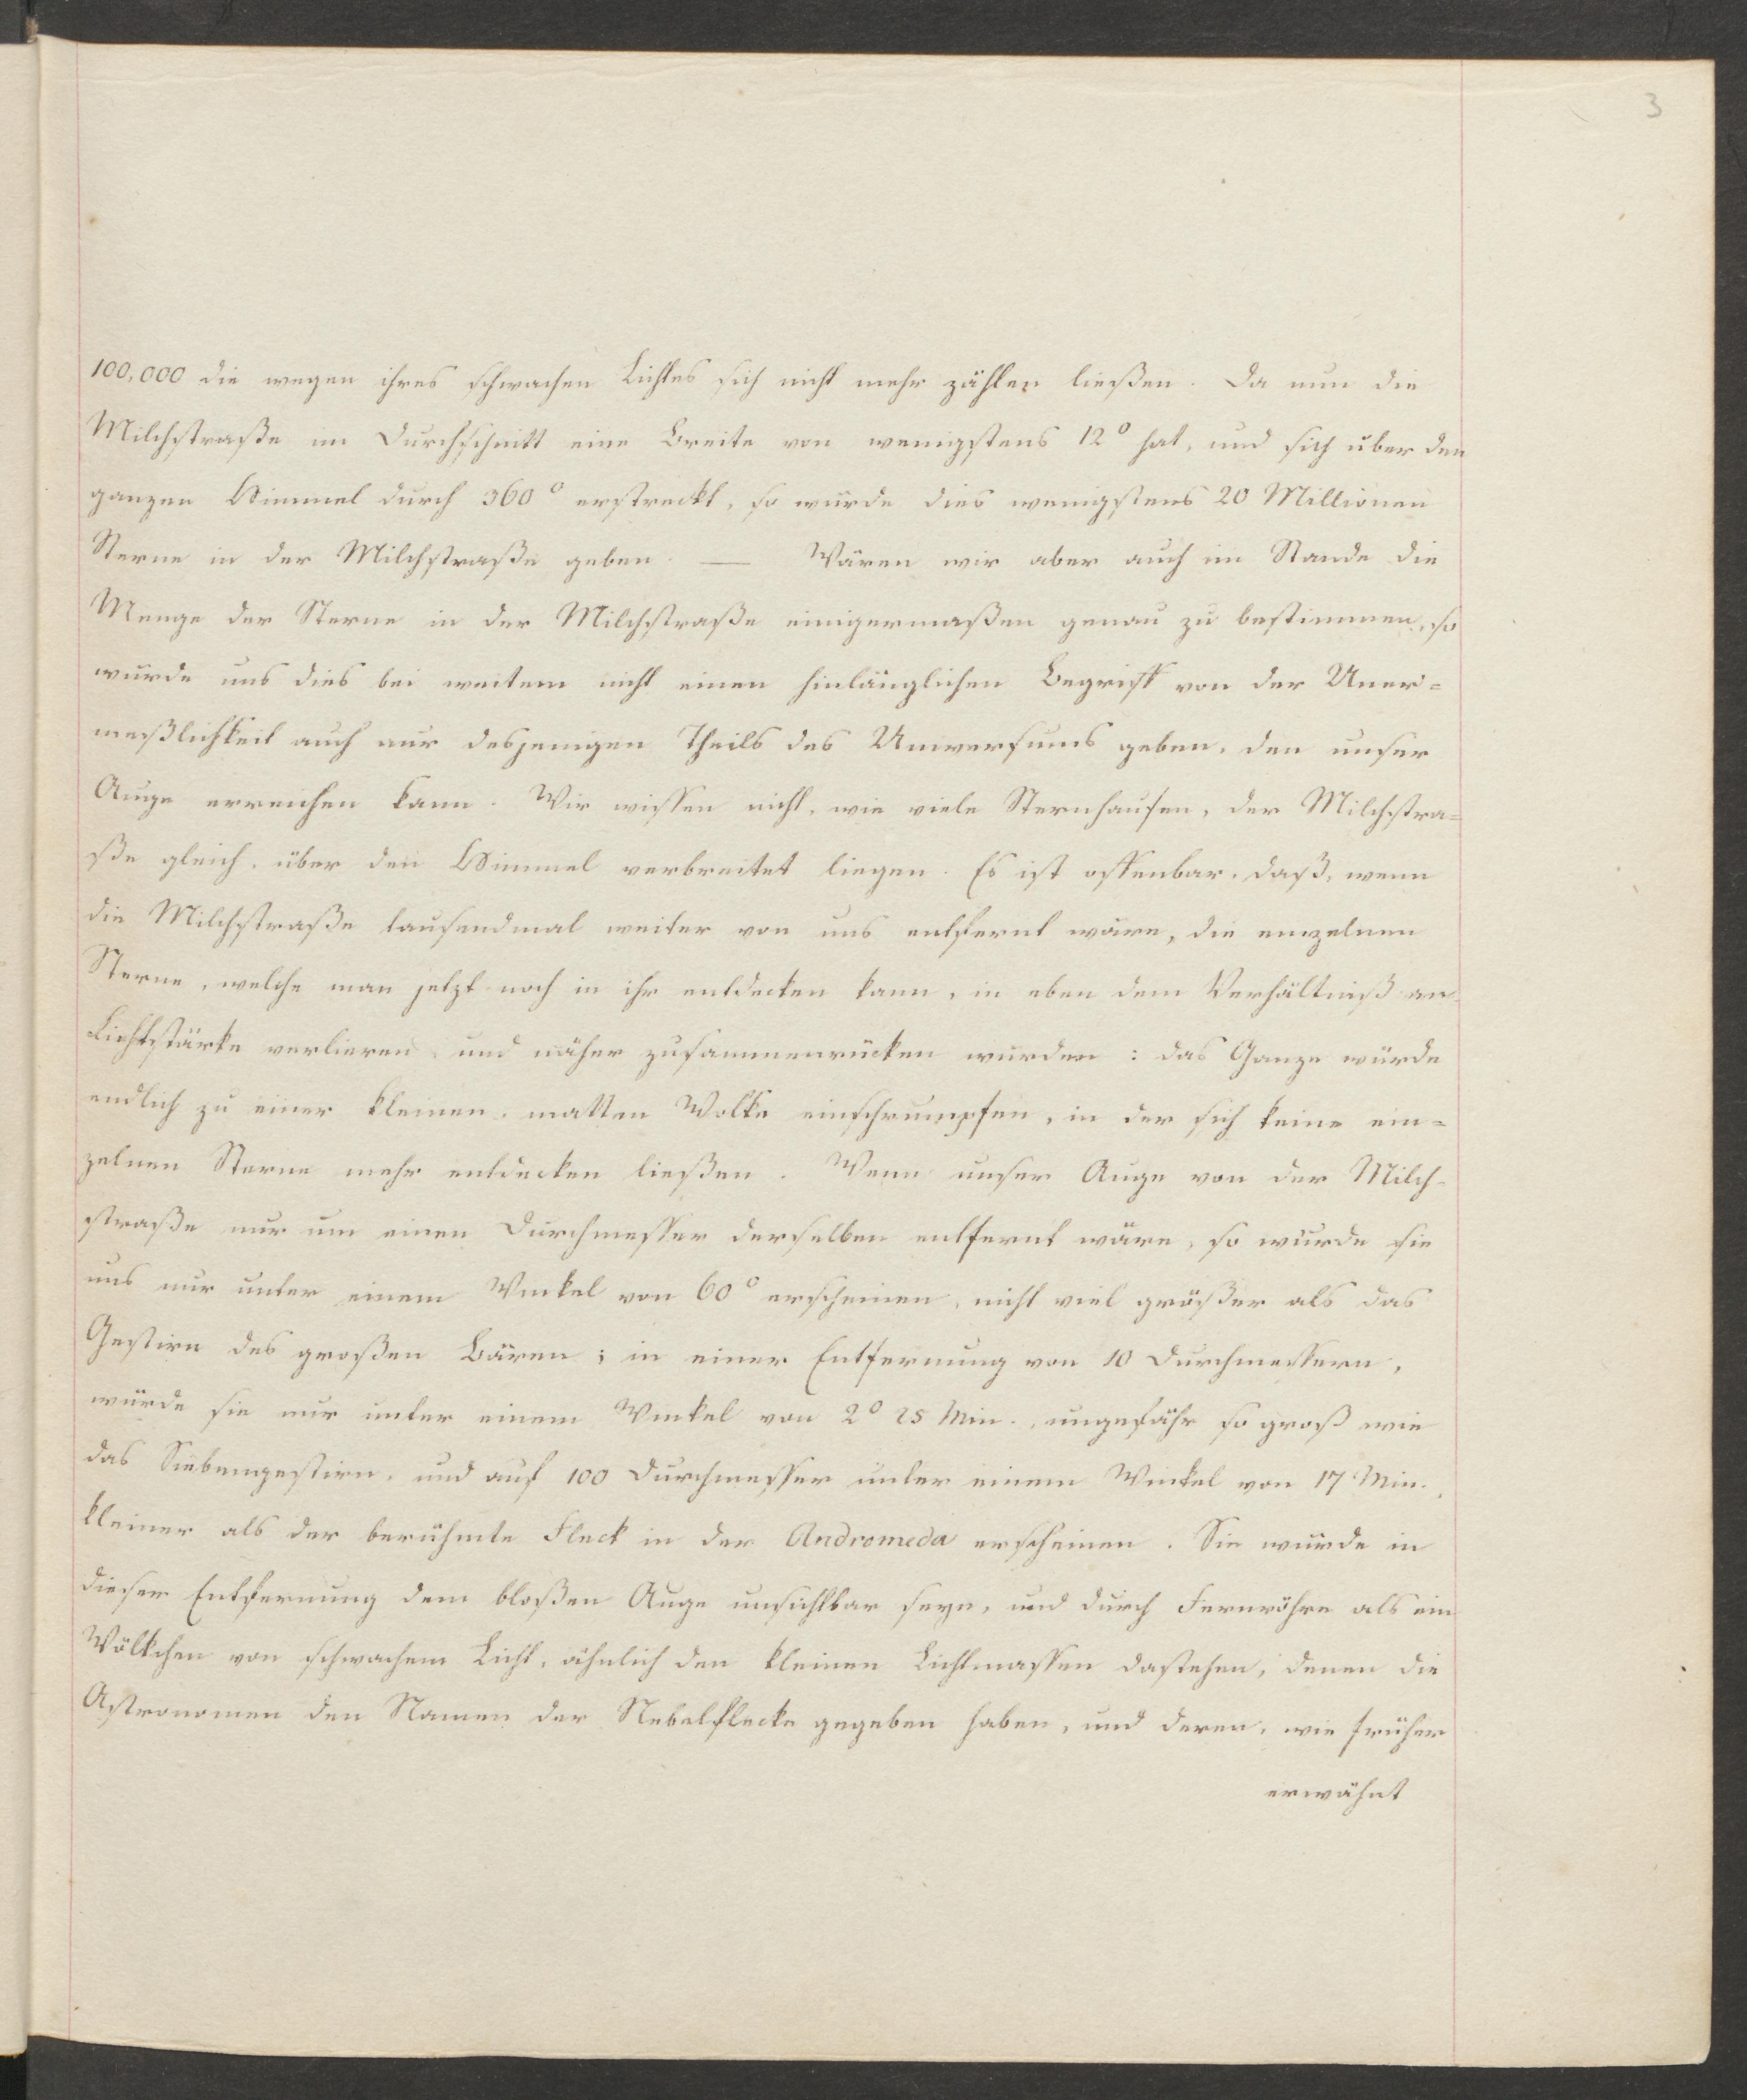100,000 die wegen ihres schwachen Lichtes sich nicht mehr zählen ließen. Da nun die
Milchstraße im Durchschnitt eine Breite von wenigstens 12° hat, und sich über den
ganzen Himmel durch 360° erstreckt, so würde dies wenigstens 20 Millionen
Sterne in der Milchstraße geben. –
Wären wir aber auch im Stande die
Menge der Sterne in der Milchstraße einigermaßen genau zu bestimmen, so
würde uns dies bei weitem nicht einen hinlänglichen Begriff von der Uner-
meßlichkeit auch nur desjenigen Theils des Universums geben, den unser
Auge erreichen kann. Wir wissen nicht, wie viele Sternhaufen, der Milchstra-
ße gleich, über den Himmel verbreitet liegen. Es ist offenbar, daß, wenn
die Milchstraße tausendmal weiter von uns entfernt wäre, die einzelnen
Sterne, welche man jetzt noch in ihr entdecken kann, in eben dem Verhältniß an
Lichtstärke verlieren, und näher zusammenrücken würden: das Ganze würde
endlich zu einer kleinen, matten Wolke einschrumpfen, in der sich keine ein-
zelnen Sterne mehr entdecken ließen. Wenn unser Auge von der Milch-
straße nur um einen Durchmesser derselben entfernt wäre, so würde sie
uns nur unter einem Winkel von 60° erscheinen, nicht viel größer als das
Gestirn des großen Bären; in einer Entfernung von 10 Durchmessern,
würde sie nur unter einem Winkel von 2° 25 Min., ungefähr so groß wie
das Siebengestirn, und auf 100 Durchmesser unter einem Winkel von 17 Min.,
kleiner als der berühmte Fleck in der Andromeda erscheinen. Sie würde in
dieser Entfernung dem bloßen Auge unsichtbar seyn, und durch Fernröhre als ein
Wölkchen von schwachem Licht, ähnlich den kleinen Lichtmassen dastehen, denen die
Astronomen den Namen der Nebelflecke gegeben haben, und deren, wie früher
erwähnt